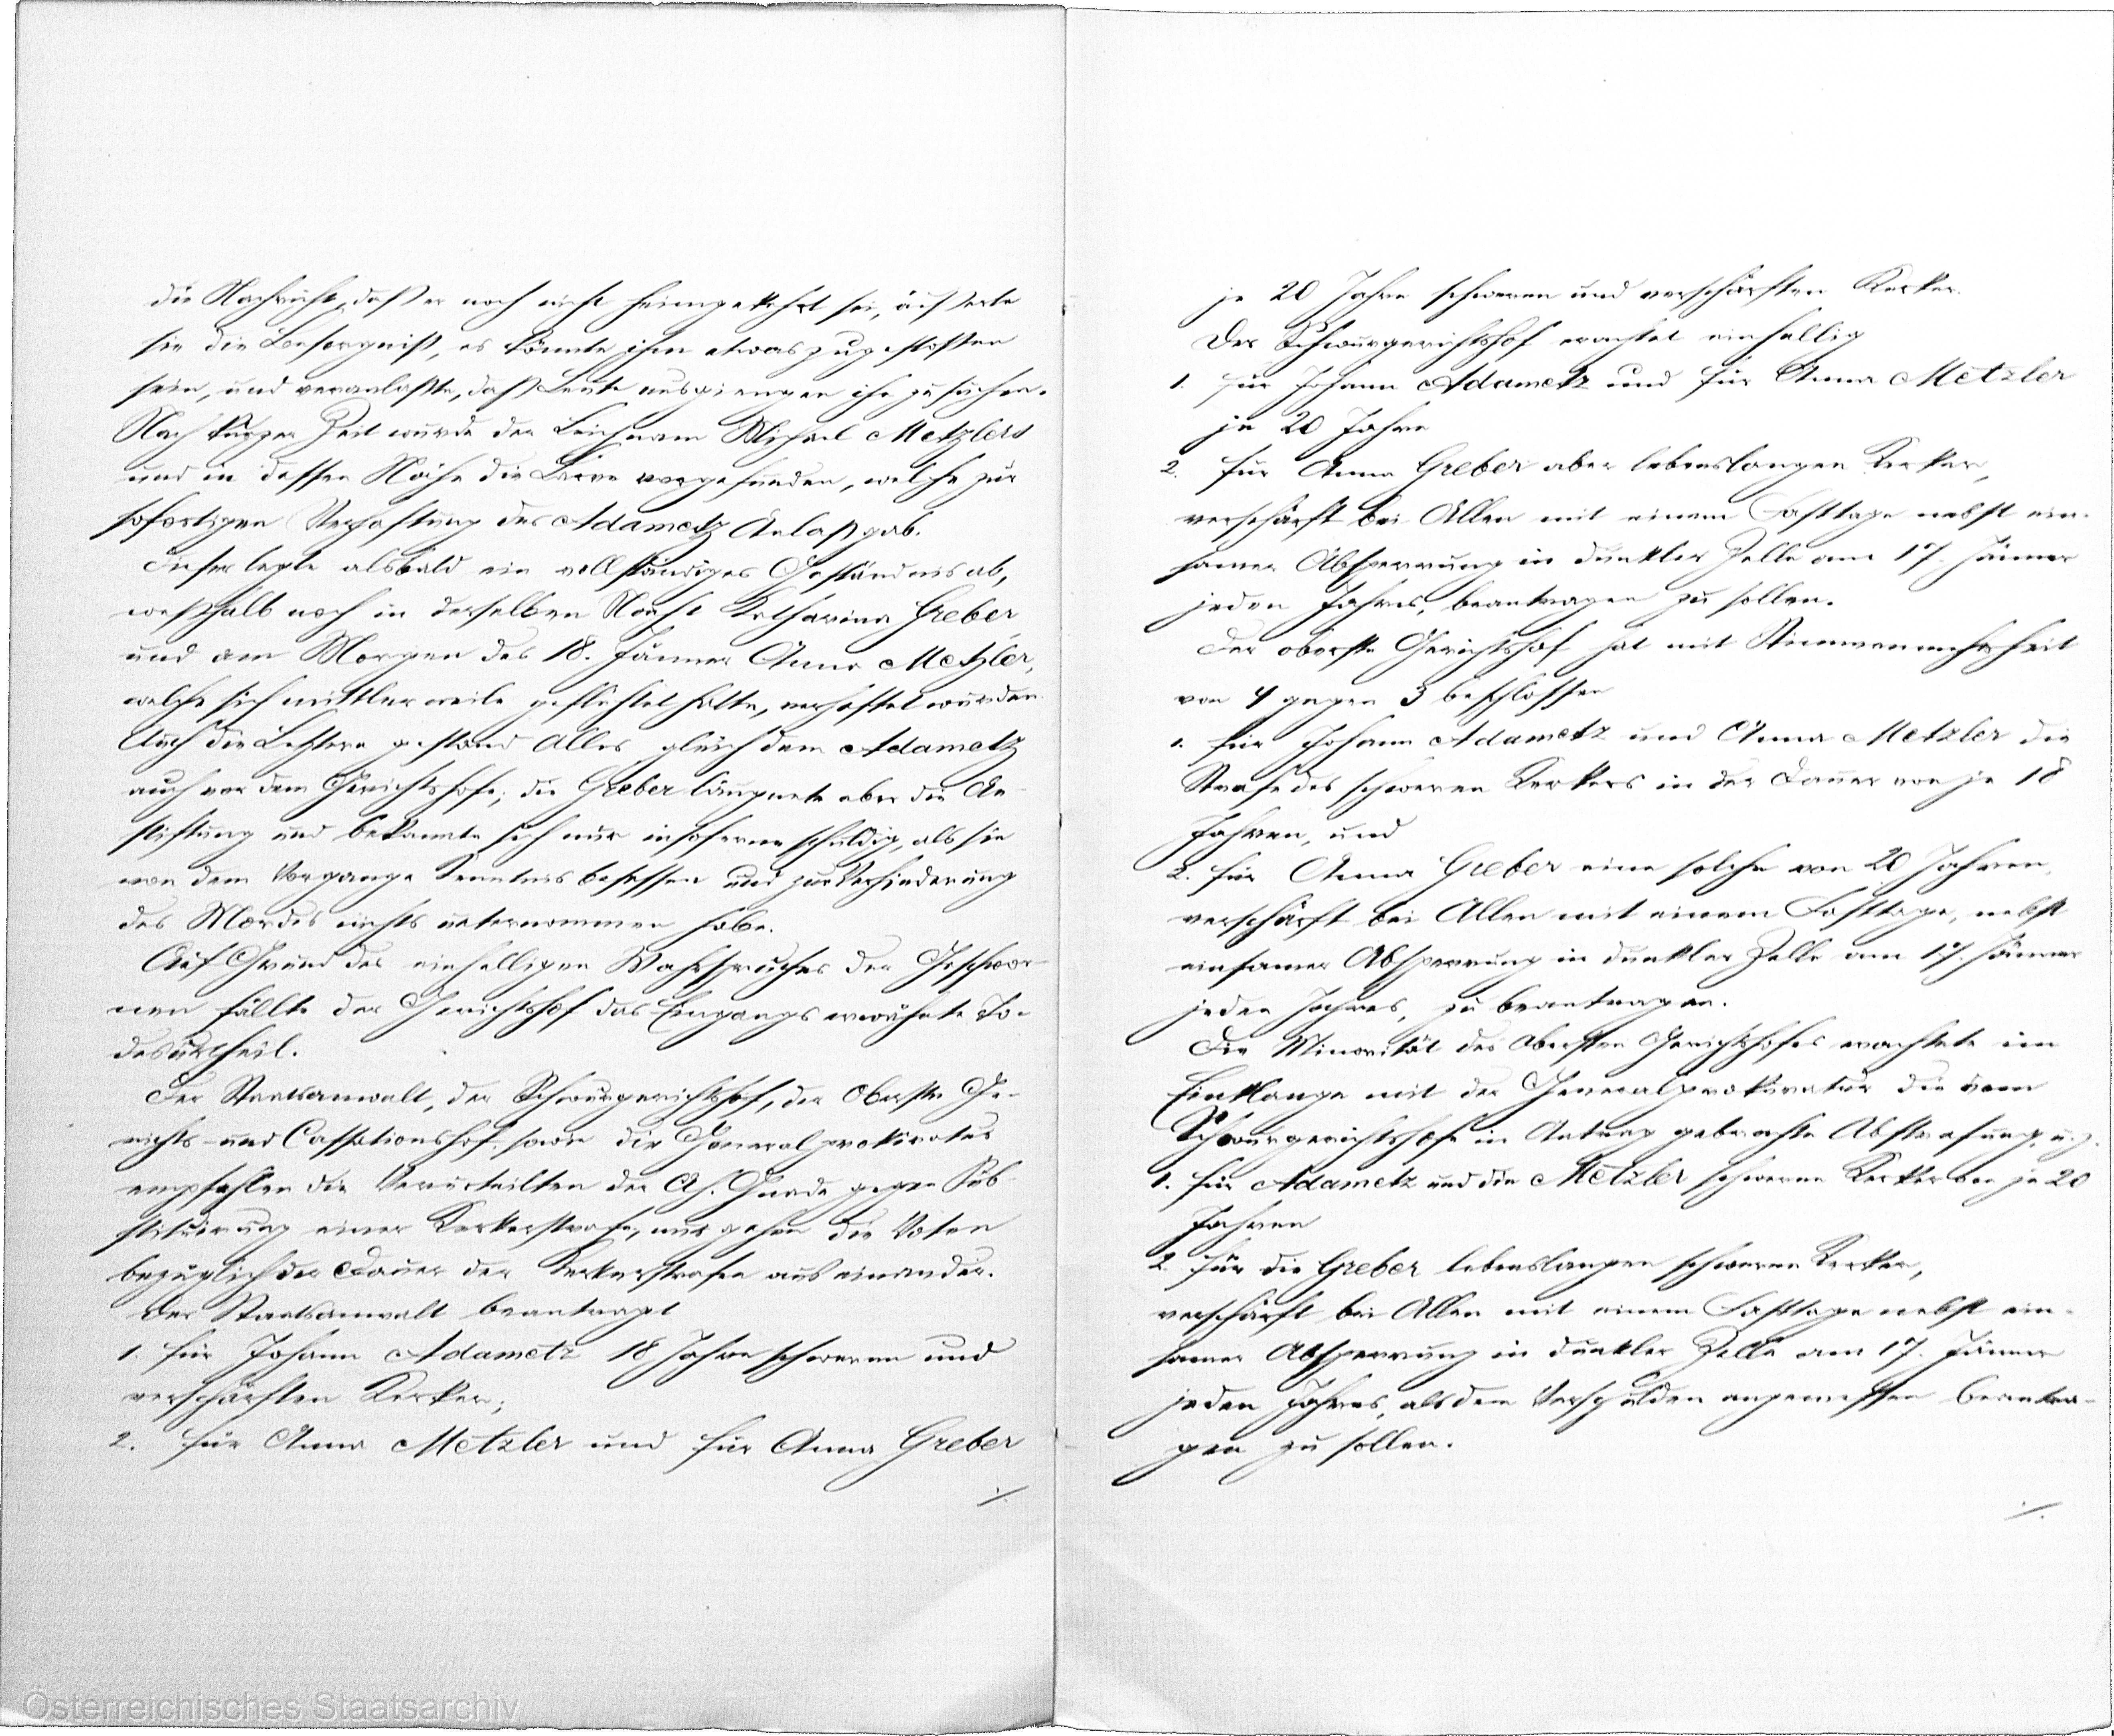die Nachricht, daß er noch nicht heimgekehrt sei, äußerte
sie die Besorgniß, es könnte hm etwas zugestoßen
sein, und veranlaßte, daß Leute ausgiengen ihn zu suchen.
Nach kurzer Zeit wurde der Leichnam Michael Metzlers
und in dessen Nähe die Larve vorgefunden, welche zur
sofortigen Verhaftung des Adametz Anlaß gab.
Dieser legte alsbald ein vollständiges Geständnis ab,
weßhalb noch in derselben Nacht Katharina Greber
und am Morgen des 18. Jänner Anna Metzler, welche
sich mittlerweile gefluchtet hatte, verhaftet wurden.
Auch die letztere gestand Alles gleich dem Adametz
auch vor dem Gerichtshofe; die Greber läugnete aber die An¬
stiftung und bekannte sich nur insoferne schuldig, als sie
von dem Vorgange Kenntnis besessen und zur Verhinderung
des Mordes nichts unternommen habe.
Auf Grund des einhelligen Wahrspruches der Geschwor¬
enen hällte der Gerichtshof das Eingangserwähnte To¬
desurtheil.
Der Staatsanwalt, der Schwurgerichtshof, der Oberste Ge¬
richts- und Cassationshof sowie die Generalprokuratur
empfehlen die Verurtheilten der Ah. Gnade gegen Sub¬
stituirung einer Kerkerstrafe, und gehen die Voten
bezüglich der Dauer der Kerkerstrafe auseinander.
Der Staatsanwalt beantragt
1. für Johann Adametz 18 Jahre schweren und
verschärften Kerker;
2. für Anna Metzler und für Anna Greber
je 20 Jahre schweren und verschärften Kerker.
Der Schwurgerichtshof erachtet einhellig
1. für Johann Adametz und für Anna Metzler
je 20 Jahre
2. für Anna Greber aber lebenslangen Kerker,
verschärft bei Allen mit einem Fasttage nebst ein¬
same Absperrung in dunkler Zelle am 17. Jänner
jeden Jahres, beantragen zu sollen
Der oberste Gerichtshof hat mit Stimmendmehrheit
vom 4 gegen 3 beschlossen
1. für Johann Adametz und Anna Metzler die
Strafe des schweren Kerkers in der Dauer von je 18
Jahren und
2. für Anna Greber eine solche von 20 Jahren
verschärft bei Allen mit einem Fasttage, nebst
einsamer Absperrung in dunkler Zelle am 17. Jänner
jeden Jahres, zu beantragen.
Die Minorität des obersten Gerichtshofes erachtete im
Einklange mit der Generalprokuratur die vom
Schwurgerichtshofe in Antrag gebrachte Abstrafung u.z.
1. für Adametz und die Metzler schweren Kerker von je 20
Jahren
2. für die Greber lebenslangen schweren Kerker,
verschärft bei Allen imt einem Fasttage nebst ein¬
samer Absperrung in dunkler Zelle am 17. Jänner
jeden Jahres, als dem Verschulden angemessen beantra¬
gen zu sollen.